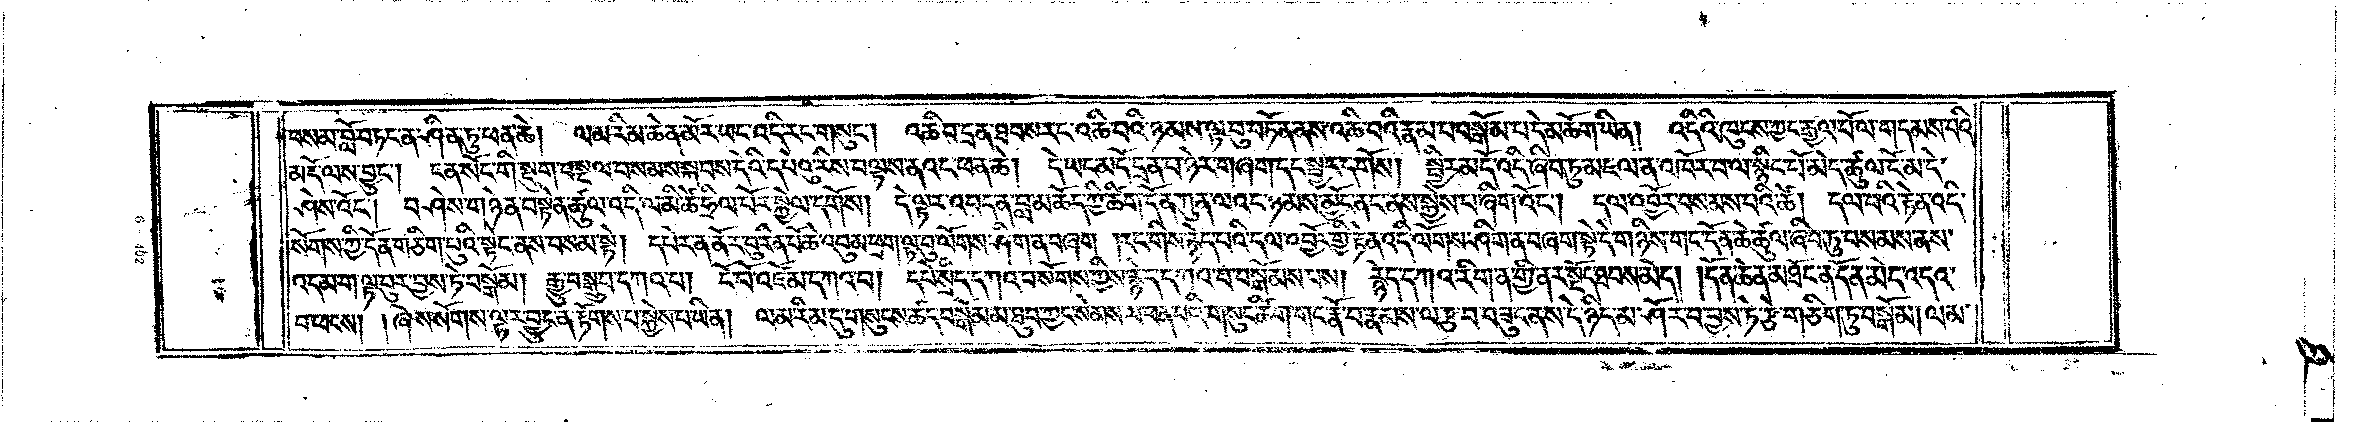བསམ་བློ་བཏང་ན་ཤིན་ཏུ་ཕན་ཆེ། ལམ་རིམ་ཆེན་མོར་ཡང་འདི་རང་གསུང་། འཆི་བ་དྲན་ཐབས་རང་འཆི་བའི་ཉམས་ལྟ་བུ་བཏོན་ནས་འཆི་བའི་རྣམ་པ་བསྒོམ་པ་དེ་མཆོག་ཡིན། འདིའི་ཁུངས་ཀྱང་རྒྱལ་པོ་ལ་གདམས་པའི་
མདོ་ལས་བྱུང་། ངན་སོང་གི་སྡུག་བསྔལ་བསམས་སྐབས་དེའི་དཔེའུ་རིས་བལྟས་ནའང་ཕན་ཆེ། དེ་ཡང་མདོ་དྲན་པ་ཉེར་གཞག་དང་སྦྱར་དགོས། སྤྱིར་མདོ་འདི་ཞིབ་ཏུ་མཇལ་ན་འཁོར་བ་ལ་སྙིང་པོ་མེད་ཚུལ་ངོ་མ་དེ་ཤེས་འོང་། བཤེས་གཉེན་བསྟེན་ཚུལ་འདི་ལ་མི་ཚེ་ཧྲིལ་པོར་སྐྱེལ་དགོས། དེ་ལྟར་འབད་ན་བླ་མཆོད་ཀྱི་ཚིག་དོན་ཀུན་ལའང་ཉམས་མྱོང་ནང་ནས་སྐྱེས་པ་ཞིག་འོང་། དལ་འབྱོར་བསམས་པའི་ཚེ། དལ་བའི་རྟེན་འདི་
ཕ༹སོགས་ཀྱི་དོན་གཅིག་པུའི་སྟེང་ནས་བསམ་སྟེ། དཔེར་ན་ནོར་བུ་རིན་པོ་ཆེ་འབུམ་ཕྲག་ལྟ་བུ་ལོགས་ཤིག་ན་བཞག །རང་གིས་རྙེད་པའི་དལ་འབྱོར་གྱི་རྟེན་འདི་ལོགས་ཤིག་ན་བཞག་སྟེ་དེ་གཉིས་གང་དོན་ཆེ་ཚུལ་ཞིབ་ཏུ་བསམས་ནས་
འདམ་ག་ལྟ་བུར་བྱས་ཏེ་བསྒོམ། རྒྱུ་བསྒྲུབ་དཀའ་བ། ངོ་བོ་འཛོམ་དཀའ་བ། དཔེ་སྲིད་དཀའ་བ་སོགས་ཀྱིས་རྙེད་དཀའ་བ་བསྒོམས་པས། རྙེད་དཀའ་རིག་ན་གྱི་ནར་སྔོད་ཐབས་མེད། །དོན་ཆེན་མཐོང་ན་དོན་མེད་འདའ་
བ་ཕངས། །ཞེས་སོགས་ལྟར་བྱུང་ན་རྟོགས་པ་སྐྱེས་པ་ཡིན། ལམ་རིམ་དུ་གསུངས་ཚད་བསྒོམ་མ་ཐུབ་ཀྱང་སེམས་ལ་ཕན་པའི་གསུང་ཚིག་གང་རྣོ་བ་རྣམས་ལ་རྩ་བ་བཟུང་ནས་དེ་ཉིད་མ་ཤོར་བ་བྱས་ཏེ་རྩེ་གཅིག་ཏུ་བསྒོམ། ལམ་